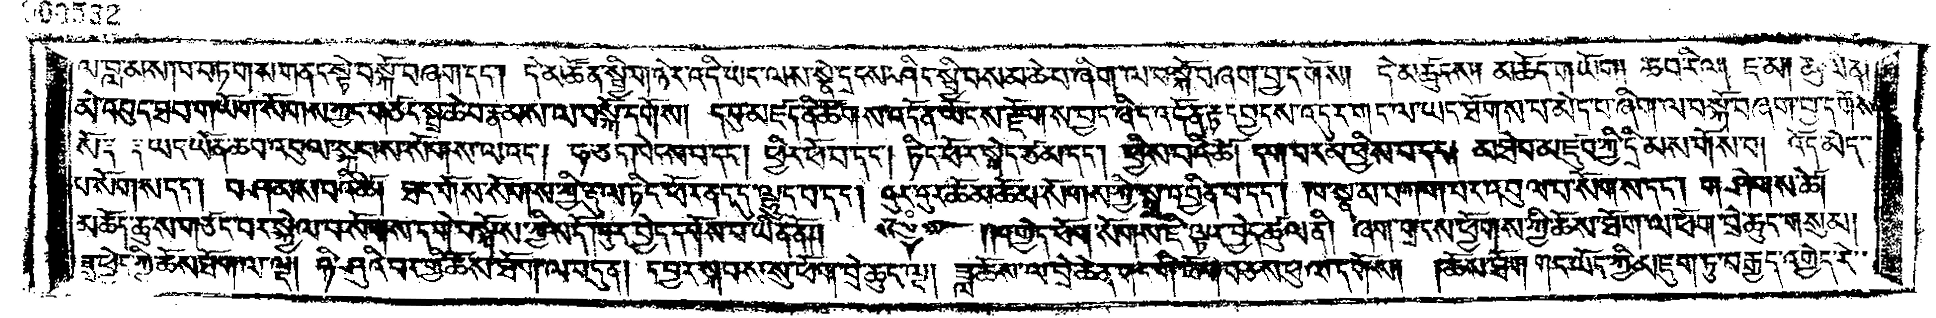ལ་བླ་མས་ཁ་བཏགས་གནང་སྟེ་བསྐོ་བཞག་དང་། དེ་མཚོན་སྤྱི་གཉེར་འདི་ཡང་ལས་སྣེ་དྲངས་ཤིང་སྤྱི་བསམ་ཆེ་བ་ཞིག་ལ་བསྐོ་བཞག་བྱ་དགོས། དེ་མཚུངས། མཆོག་གཡོག །ཆབ་རིལ། ཇ་མ། ཆུ་ལེན།
མེ་འབུད་ཐབ་གཡོག་སོགས་ཀྱང་གཙང་སྤྲ་ཆེ་བ་རྣམས་ལ་བསྐོ་དགོས། དབུ་མཛད་ནི་ཚོགས་འདོན་ཡོངས་རྫོགས་བྱང་ཞིང་འདོན་རྟ་དབྱངས་འདུར་གང་ལ་ཡང་ཐོགས་པ་མེད་པ་ཞིག་ལ་བསྐོ་བཞག་བྱ་དགོས་
སོ༑ ༑ཡང་ཡོན་ཆབ་འབུལ་སྐབས་སོགས་ལའང་། ཧ་ཅང་ཁེངས་པ་དང་། ཕྱིར་ཕོ་བ་དང་། ཏིང་ཕོར་སྐེད་ཙམ་དང་། ཕྱིས་བའི་ཚེ། དག་པར་མ་ཕྱིས་པ་དང་། མཐེབ་མཛུབ་ཀྱི་དྲི་མས་གོས་བ། འོད་མེད་
པ་སོགས་དང་། བཤམས་པའི་ཚེ། ཐང་གོས་སོགས་ཀྱི་རྡུལ་ཏིང་ཕོར་ནང་དུ་ལྷུང་བ་དང་། འུར་འུར་ཆོམ་ཆོམ་སོགས་ཀྱི་སྒྲ་འབྱིན་པ་དང་། ཁ་སྣམ་བཀག་པར་འབུལ་པ་སོགས་དང་། གཤེགས་ཚེ།
མཆོད་ཆུ་ས་གཙང་བར་སྐྱེལ་བ་སོགས་དགེ་བསྐོས་ཀྱིས་དོ་ཁུར་བྱེད་དགོས་པ་ཡིན་ནོ།། ༈ །།འགྱེད་ཕོག་སོགས་ཇི་ལྟར་བྱེད་ཚུལ་ནི། ཞག་གྲངས་ཕྱོགས་ཀྱི་ཆོས་ཐོག་ལ་ཕོག་བྲེ་ཆུང་གསུམ།
ཟླ་ཕྱེད་ཀྱི་ཆོས་ཐོག་ལ་ལྔ། ཉི་ཤུའི་བར་གྱི་ཆོས་ཐོག་ལ་བདུན། དབྱར་སྐབས་སུ་ཕོག་བྲེ་ཆུང་ལྔ། ཟླ་ཆོས་ལ་བྲེ་ཆེན་གང་གི་ཕོག་བཅས་ཕུལ་དགོས། །ཆོས་ཐོག་གང་ཡོད་ཀྱི་མཇུག་ཏུ་བརྒྱད་འགྱེད་རེ་